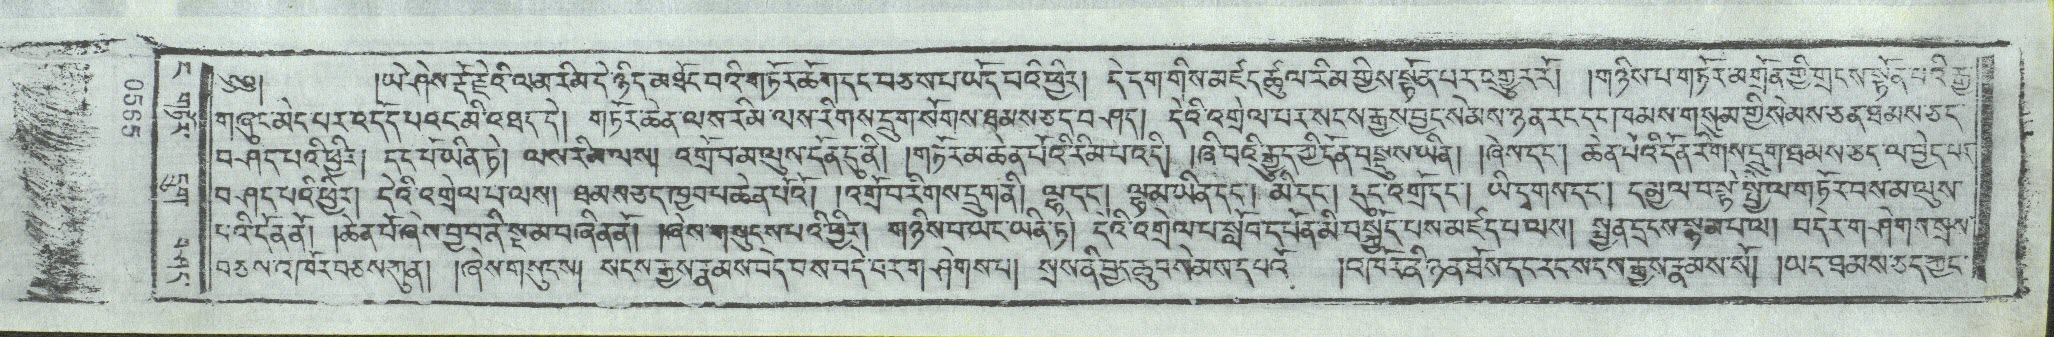༄༅། །ཡེ་ཤེས་རྡོ་རྗེའི་ལམ་རིམ་དེ་ཉིད་མཐོང་བའི་གཏོར་ཆོག་དང་བཅས་པ་ཡོད་པའི་ཕྱིར། དེ་དག་གིས་མཛད་ཚུལ་རིམ་གྱིས་སྟོན་པར་འགྱུར་རོ། །གཉིས་པ་གཏོར་མགྲོ་ན་གྱི་གྲངས་སྟོན་པའི་རྒྱ་
གཞུང་མེད་པར་འདོད་པའང་མི་འཐད་དེ། གཏོར་ཆེན་ལས་རིམ་ལས་རིགས་དྲུག་སོགས་ཐམས་ཅད་བཤད། དེའི་འགྲེལ་པར་སངས་རྒྱས་བྱང་སེམས་ཉན་རང་དང་ཁམས་གསུམ་གྱི་སེམས་ཅན་ཐམས་ཅད་
བཤད་པའི་ཕྱིར། དང་པོ་ཡིན་ཏེ། ལས་རིམ་ལས། འགྲོ་བ་མ་ལུས་དོན་དུ་ནི། །གཏོར་མ་ཆེན་པོའི་རིམ་པ་འདི། །ཞི་བའི་རྒྱུད་ཀྱི་དོན་བསྡུས་ཡིན། །ཞེས་དང་། ཆེན་པོའི་དོན་རིགས་དྲུག་ཐམས་ཅད་ལ་བྱེད་པར་
བཤད་པའི་ཕྱིར། དེའི་འགྲེལ་པ་ལས། ཐམས་ཅད་ཁྱབ་པ་ཆེན་པོའོ། །འགྲོ་བ་རིགས་དྲུག་ནི། ལྷ་དང་། ལྷ་མ་ཡིན་དང་། མི་དང་། དུང་འགྲོ་དང་། ཡི་དྭགས་དང་། དམྱལ་བ་སྟེ་སྤྱི་ལ་གཏོར་བས་མ་ལུས་
པའི་དོན་ནོ། །ཆེན་པོ་ཞེས་བྱ་བ་ནི་སྔ་མ་བཞིན་ནོ། །ཞེས་གསུངས་པའི་ཕྱིར། གཉིས་པ་ཡང་ཡིན་ཏེ། དེའི་འགྲེལ་པ་སློབ་དཔོན་མི་བསྐྱོད་པས་མཛད་པ་ལས། སྤྱན་དྲངས་སྙམ་པ་ལ། བདེར་གཤེགས་སྲས་
བཅས་འཁོར་བཅས་ཀུན། །ཞེས་གསུངས། སངས་རྒྱས་རྣམས་བདེ་བས་བདེ་བར་གཤེགས་པ། སྲས་ནི་བྱང་ཆུབ་སེམས་དཔའོ་།འཁོར་ནི་ཉན་ཐོས་དང་རང་སངས་རྒྱས་རྣམས་སོ། །ཡང་ཐམས་ཅད་ཀྱང་